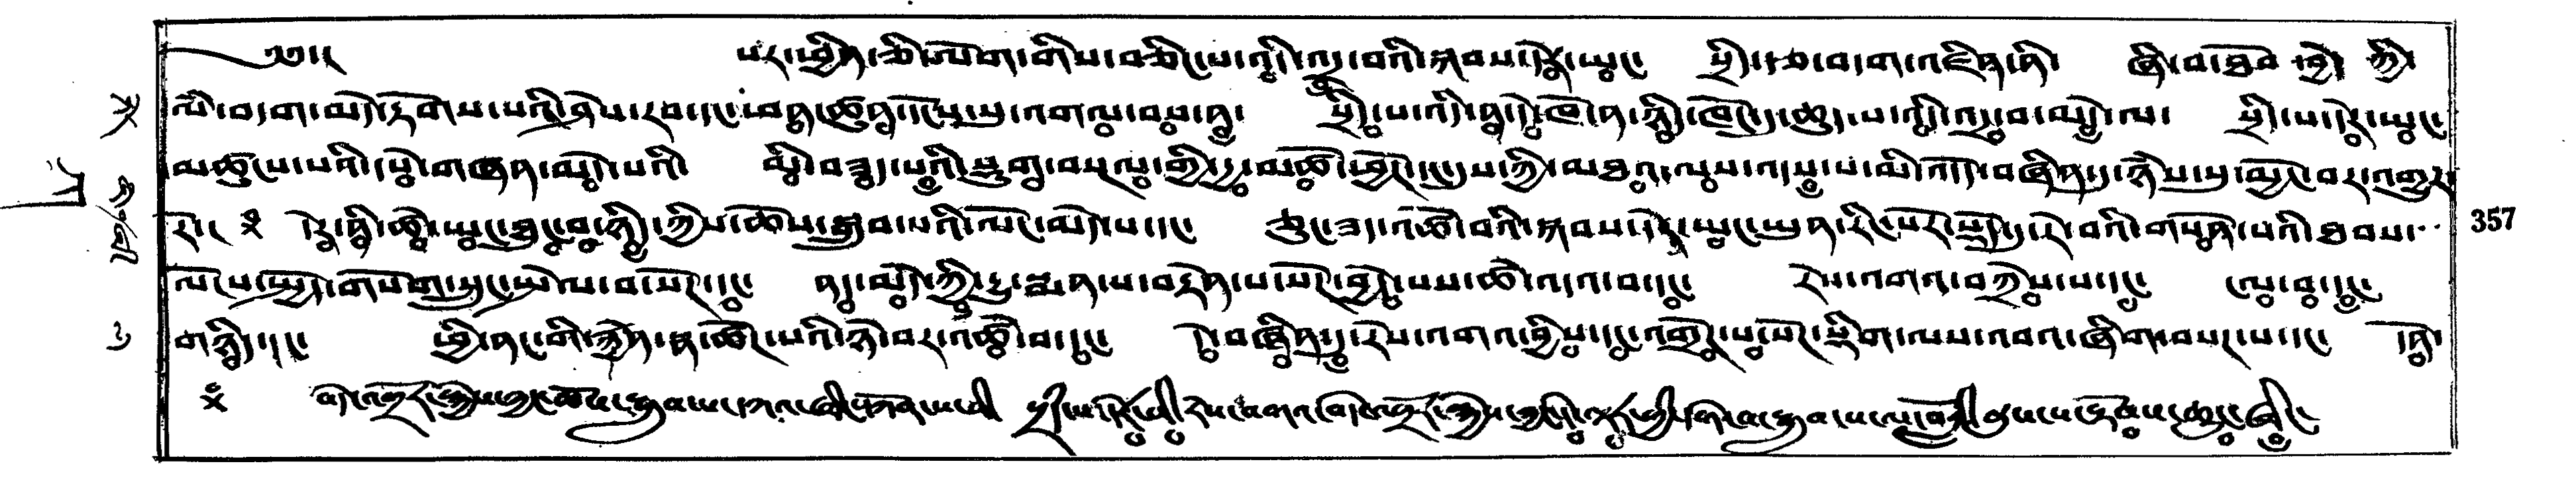པར་ཕྱིན་ཅི་ལོག་གིས་བཅིངས་པ་འདི་འདྲ་བའི་སྐབས་དེར་ཡང་།སྲིད་རྩ་བདག་འཛིན་ནི། ཞི་བ་འཐོབ་བྱེད་ཀྱི་
ལམ་བདག་མེད་རྟོགས་པའི་ཤེས་རབ་དང་ཕན་ཚུན་དངོས་སུ་འགལ་བས་ན། སྲིད་པ་འདི་ན་དེ་ཁོ་ན་ཉིད་ཁོང་དུ་ཆུད་པ་འདི་འདྲ་བ་མེད་ལ། སྲིད་པ་དེར་ཡང་
མཚུངས་པའི་དཔེ་གཞན་མེད་པའི། མི་བཟད་པའི་སྡུག་བསྔལ་གྱི་རྒྱ་མཚོ་ཕྱོགས་དང་དུས་ཀྱི་མཐའ་ལས་འདས་པ་མི་འདོད་བཞིན་དུ་ཉམས་སུ་མྱོང་བར་འགྱུར་
རོ།། བདེ་འགྲོར་སྐྱེས་ཀྱང་ཆོས་སྒྲུབ་པ་དཀའ་ཞིང་དཀོན་པ་ནི། སྲིད་པ་དེར་ནི་རེས་འགའ་བདེ་འགྲོར་སྐྱེས་ཀྱང་དེ་ལྟར་གྱི་དགེ་བ་སྒྲུབ་པ་ལ་བློའི་ནུས་པ་སྟོབས་ཆུང་ཞིང་། དེར་ནི་ཚེ་ཡང་ཐུང་བ་ཉིད་ཀྱིས་ཆོས་སྒྲུབ་པའི་ལོང་མེད་པ་དང་། ཅུང་ཟད་འཚོ་བའི་སྐབས་དེར་ཡང་ཡུན་རིང་པོར་སྡོད་དུ་རེ་བའི་གསོན་པའི་ཐབས་
ལོངས་སྤྱོད་གསོག་སྲུང་སྤེལ་བ་སོགས་དང་། ནད་མེད་ཀྱི་རྒྱུ་སྨན་པ་བརྟེན་པ་སོགས་བྱེད་པས་ཚེ་འདའ་བ་དང་། རེས་འགའ་བཀྲེས་པ་དང། ངལ་བ་དང་
གཉིད་དང་། ཕྱི་ནང་གི་རྐྱེན་སྣ་ཚོགས་པའི་ཉེ་བར་འཚེ་བ་དང་། དེ་བཞིན་དུ་རེས་འགའ་བྱིས་དང་འགྲོགས་པ་སོགས་སྡིག་ལས་འབའ་ཞིག་བསགས་པ་དང་། དོན་